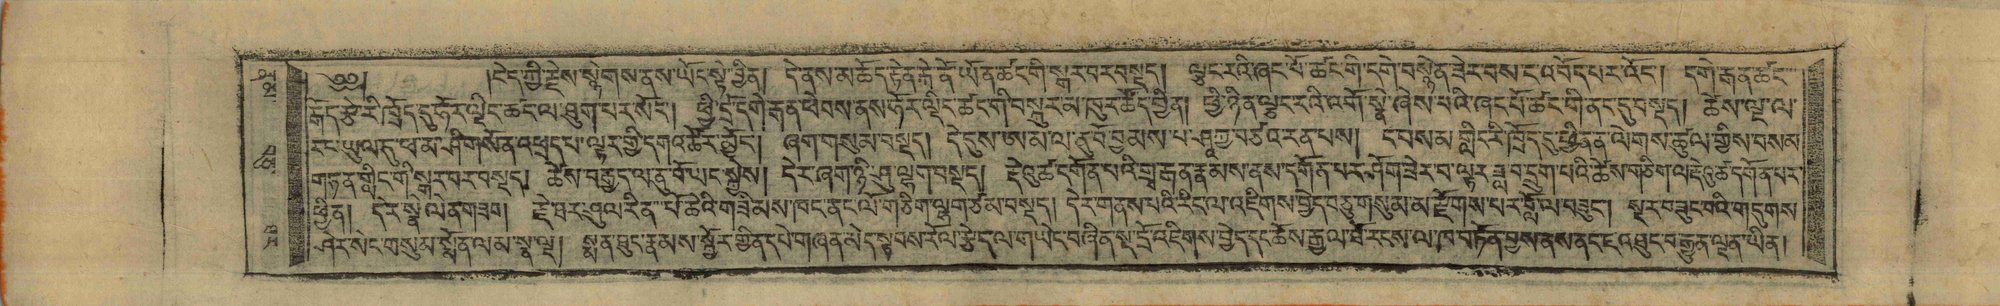༄༅། །ངེད་ཀྱི་རྗེས་སྙེགས་ནས་ཡོང་སྟེ་བྱིན། དེ་ནས་མཆོད་རྟེན་རྐེ་ནོ་ཡོན་ཚང་གི་སྒར་བར་བསྡད། ལྕང་རའི་ཞང་པོ་ཚང་གི་དགེ་བསྙེན་ཟེར་བས་ང་འབོད་པར་འོང་། དགེ་རྒན་ཚང་
རྒོད་རྩེ་རི་ཁྲོད་དུ་ཧོར་ལྡིང་ཚང་ལ་ཐུག་པར་སོང་། ཕྱི་དྲོ་དགེ་རྒན་ཕེབས་ནས་ཧོར་ལྡིང་ཚང་གི་བསྐུར་མ་ཁུར་ཚོད་བྱིན། ཕྱི་ཉིན་ལྕང་རའི་འགོ་སྣེ་ཞེས་པའི་ཞང་པོ་ཚང་གི་ནང་དུ་བསྡད། ཚེས་ལྔ་ལ་
རང་ཡུལ་དུ་ཕ་མ་ཤི་གསོན་འཕྲད་པ་ལྟར་གྱི་དགའ་ཚོར་མྱོང་། ཞག་གསུམ་བསྡད། དེ་དུས་ཨ་མ་ལ་ནུ་བོ་བྱམས་པ་ཤཱཀྱ་བཙའ་རན་པས། ང་བསམ་གླིང་རི་ཁྲོད་དུ་ཕྱིན་ན་ལེགས་ཚུལ་གྱིས་བསམ་
གཏན་གླིང་གི་སྒར་བར་བསྡད། ཚེས་བརྒྱད་ལ་ནུ་བོ་ཡང་སྐྱེས། དེར་ཞག་ཉི་ཤུ་ལྷག་བསྡད། རྡེའུ་ཚ་དགོན་པའི་གྲྭ་རྒན་རྣམས་ནས་དགོན་པར་ཤོག་ཟེར་བ་ལྟར་ཟླ་བ་དྲུག་པའི་ཚེས་གཅིག་ལ་རྡེའུ་ཚ་དགོན་པར་
ཕྱིན། དེར་སྣེ་ལེན་གཟབ། རྗེ་ཐར་ཤུལ་རིན་པོ་ཆེའི་གཟིམས་ཁང་ནང་ལོ་གཅིག་ལྷག་ཙམ་བསྡད། དེར་གནས་པའི་རིང་ལ་འཇིགས་བྱེད་བཅུ་གསུམ་མ་རྫོགས་པར་བློ་ལ་བཟུང་། སྔར་བཟུང་བའི་གདུགས་
ཤེར་སེང་གསུམ་སྨོན་ལམ་སྣ་ལྔ། སྨན་ཐུང་རྣམས་སྐྱོར་གྱིན་དཔེ་གཞན་མེད་སྟབས་རོལ་རྩེད་ལ་གཡེང་བཞིན་སྔ་དྲོ་འཇིགས་བྱེད་དང་ཆོས་རྒྱལ་ཐོ་རངས་ལ་ཁ་བཏོན་བྱས་ནས་ནང་ཇ་འཐུང་བ་རྒྱུན་ལྡན་ཡིན།